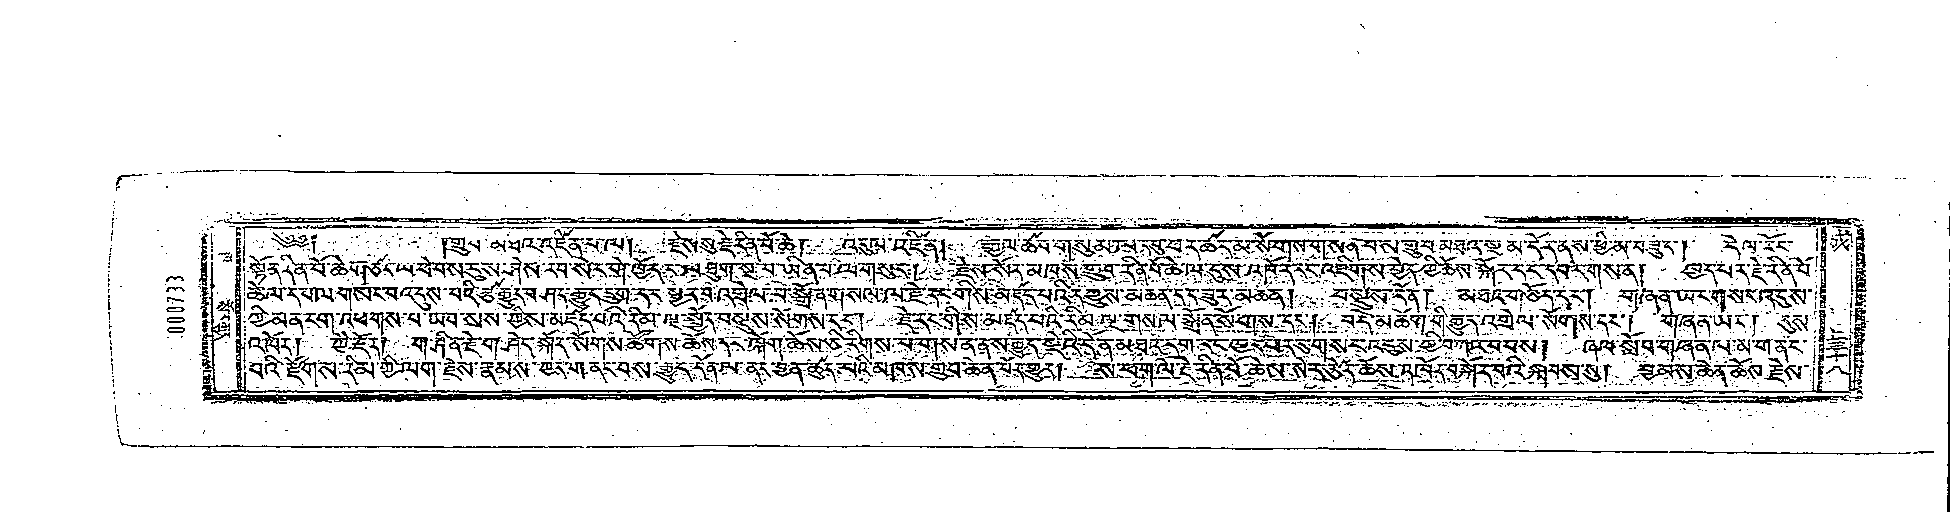༄༅། །གྲུབ་མཐའ་འཛིན་པ་ལ། རྗེས་སུ་རྗེ་རིན་པོ་ཆེ། འདུལ་འཛིན། རྒྱལ་ཚབ་གསུམ་ལ་དབུ་ཕར་ཚར་མ་སོགས་གསན་པས་གྲུབ་མཐའ་སྔ་མ་དོར་ནས་ཕྱི་མ་བཟུང་། དེ་ལ་རོང་
སྟོན་རིན་པོ་ཆེ་གཙང་ལ་ཕེབས་དུས་ཤེས་རབ་སེང་གེ་ཁྱོད་ང་ལ་ཐུག་སྔ་བ་ཡིན་པ་ལ་གསུང་། རྗེས་སོར་མཁས་གྲུབ་རིན་པོ་ཆེ་ལ་དུས་འཁོར་དང་འཇིགས་བྱེད་ཀྱི་ཆོས་སྐོར་དང་དབང་གསན། ཁྱད་པར་རྗེ་རིན་པོ་
ཆེ་ལ་དཔལ་གསང་བ་འདུས་པའི་རྩ་རྒྱུད་བཤད་རྒྱུད་དྲུག་དང་སྦྱར་བ་འགྲེལ་པ་སྒྲོན་གསལ་ལ་རྗེ་རང་གིས་མཛད་པའི་དཀྱུས་མཚན་དང་ཟུར་མཚན། བསྡུས་དོན། མཐའ་གཅོད་དང་། གཞན་ཡང་གསང་འདུས་
ཀྱི་མན་ངག་འཕགས་པ་ཡབ་སྲས་ཀྱིས་མཛད་པའི་རིམ་ལྔ་སྦྱོད་བསྡུས་སོགས་དང་། རྗེ་རང་གིས་མཛད་པའི་རིམ་ལྔ་གསལ་སྒྲོན་སོགས་དང་། བདེ་མཆོག་གི་རྒྱུད་འགྲེལ་སོགས་དང་། གཞན་ཡང་། དུས་
འཁོར། ཀྱཻ་རྡོར། གཤིན་རྗེ་གཤེད་སྐོར་སོགས་ཚོགས་ཆོས་དང་ལྐོག་ཆོས་ཅི་རིགས་པ་གསན་ནས་རྒྱུད་སྡེའི་དོན་མཐའ་དག་དང་ཁྱད་པར་དུ་གསང་འདུས་ཀྱི་བཀའ་བབས། ཞལ་སློབ་གཞན་ལ་མ་གནང་
བའི་རྫོགས་རིམ་གྱི་ལག་རྗེས་རྣམས་ཀྱང་གནང་བས་རྒྱུད་དོན་ལ་ནང་བྱན་ཚུད་པའི་མཁས་གྲུབ་ཆེན་པོར་གྱུར། ས་ཕག་ལོ་རྗེ་རིན་པོ་ཆེས་སེ་ར་རྩེར་ཆོས་འཁོར་བསྐོར་བའི་སྐབས་སུ། བྱམས་ཆེན་ཆོས་རྗེས་